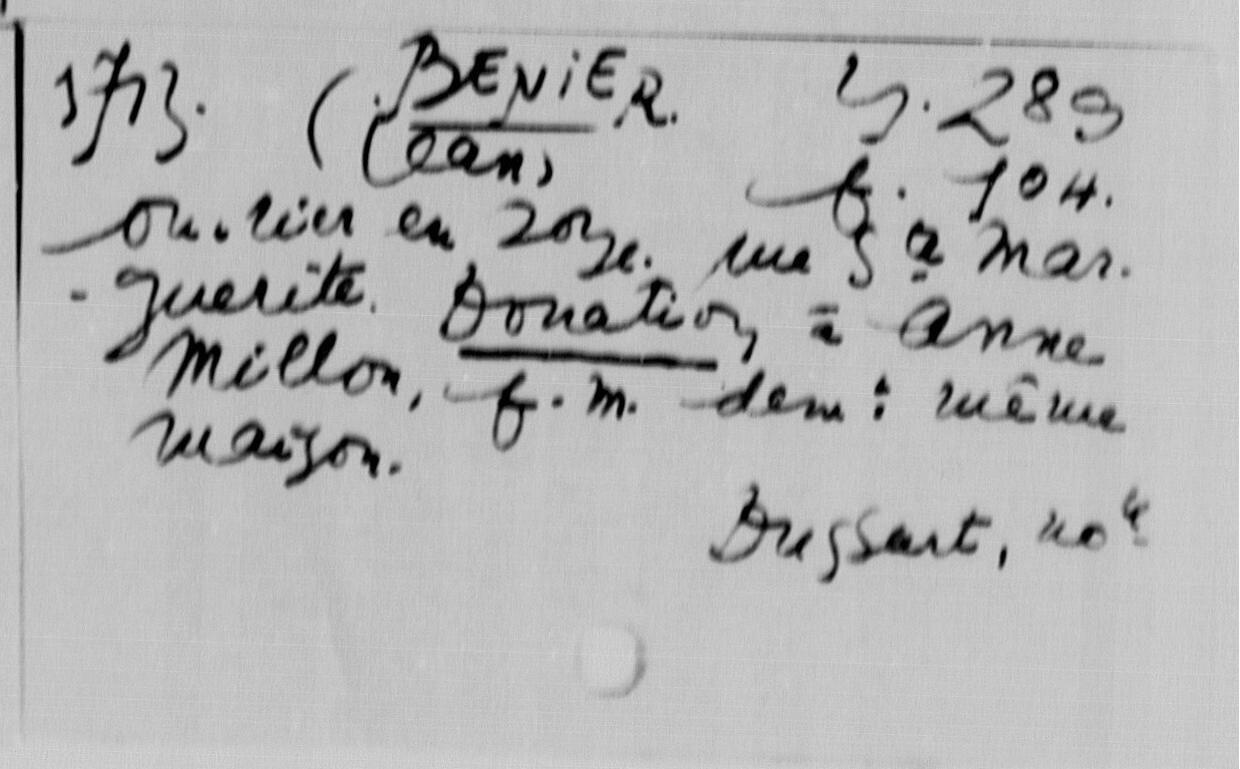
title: BENIER (Jean)
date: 1713
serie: Y
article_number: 289
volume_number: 104
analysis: Ouvrier en soye. rue Sainte-Marguerite. Donation à Anne Millon, fille majeure, demeurant même Maison. Dussart, notaire.
